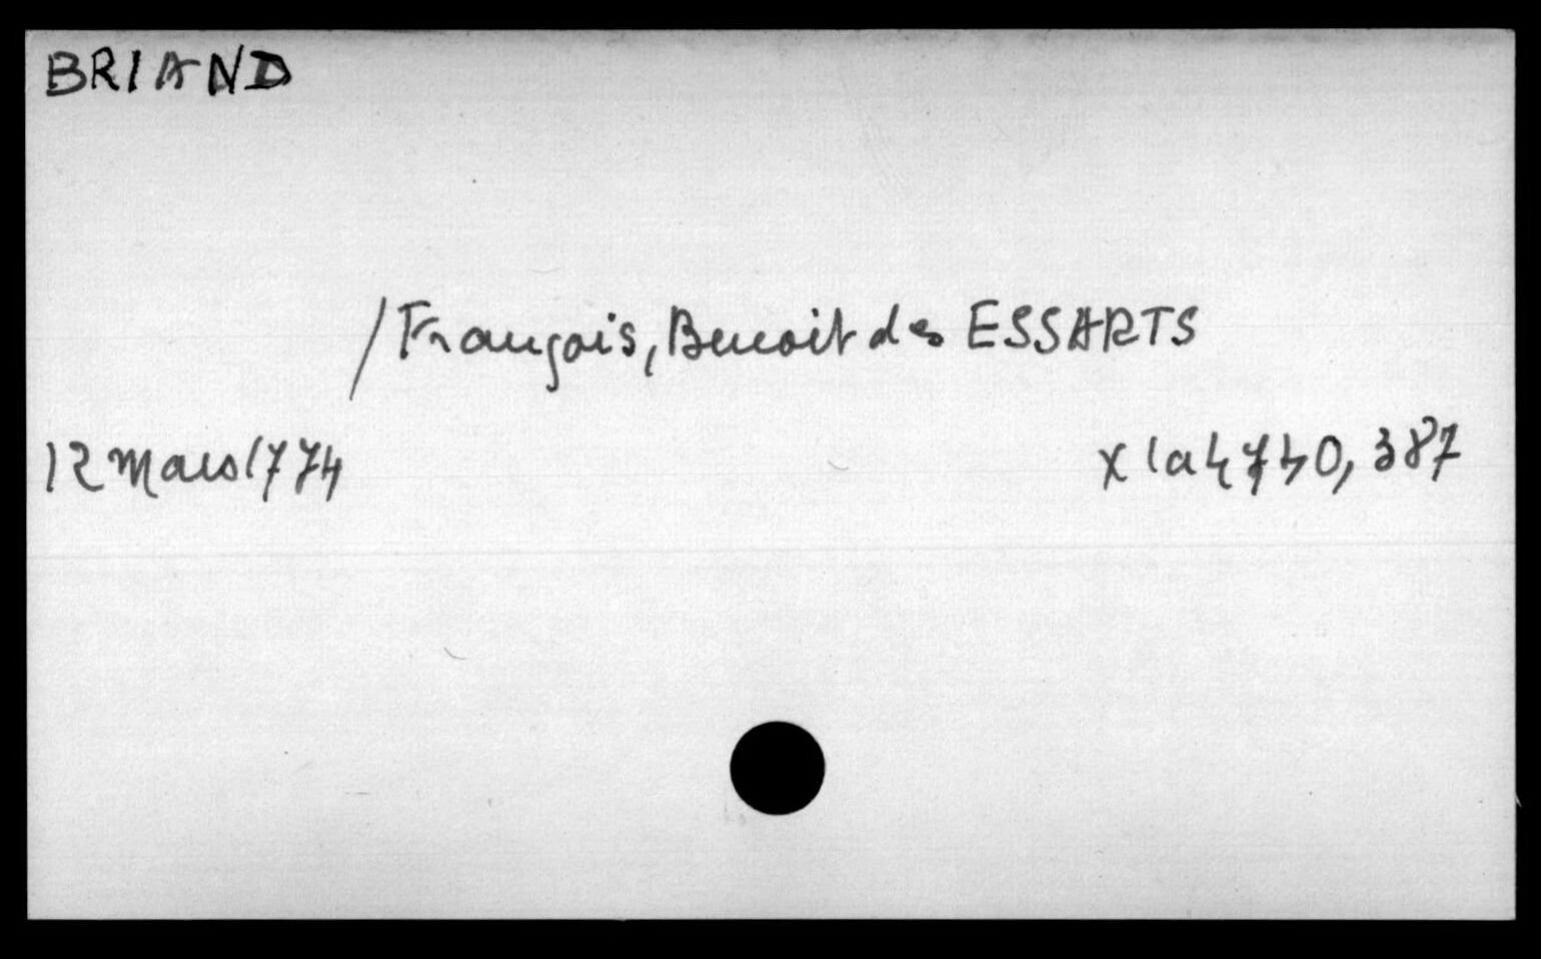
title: BRIAND
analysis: Contre François, Benoit des ESSARTS
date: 12 mars 1774
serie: X1a
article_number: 4740
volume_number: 387
